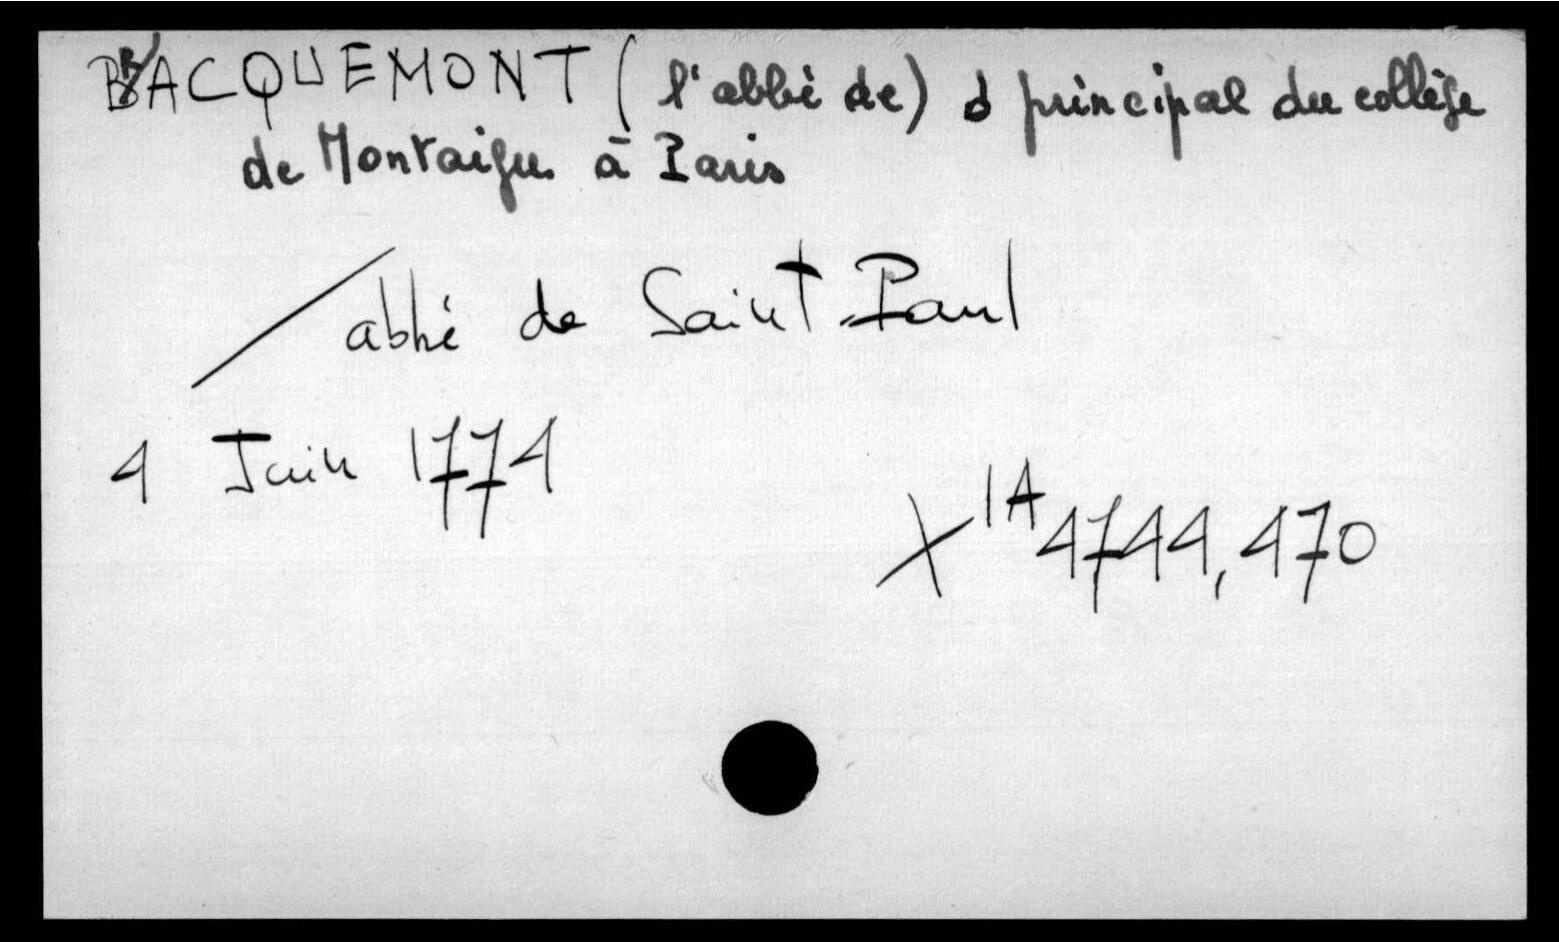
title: BACQUEMONT (l'abbé de) d'principal du collège de Montaigne à Paris
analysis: Contre Abbé de Saint-Paul
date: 4 juin 1774
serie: X1A
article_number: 4744
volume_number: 470
